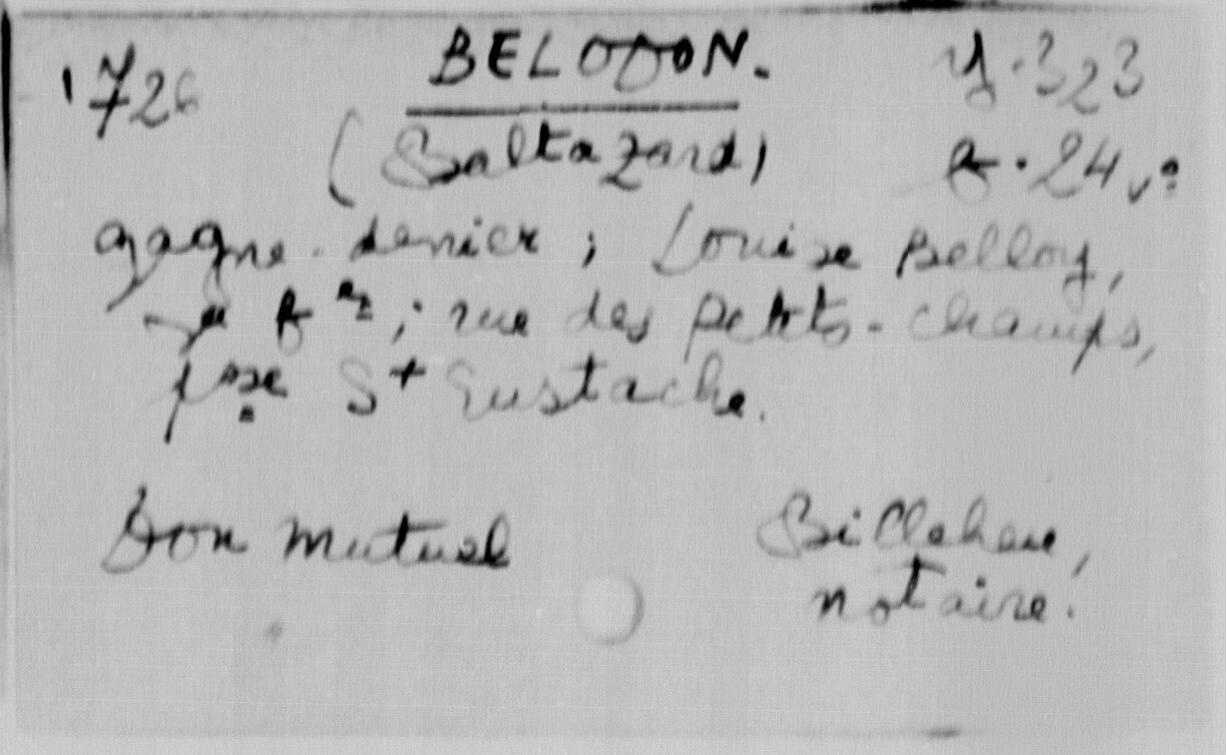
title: BELODON (Baltazard)
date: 1726
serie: Y
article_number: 323
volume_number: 24v
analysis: Gagne-denier ; Jouise Belloy, sa femme, rue des Petits-Champs, paroisse Saint-Eustache. Don mutuel Billeheu, notaire.
